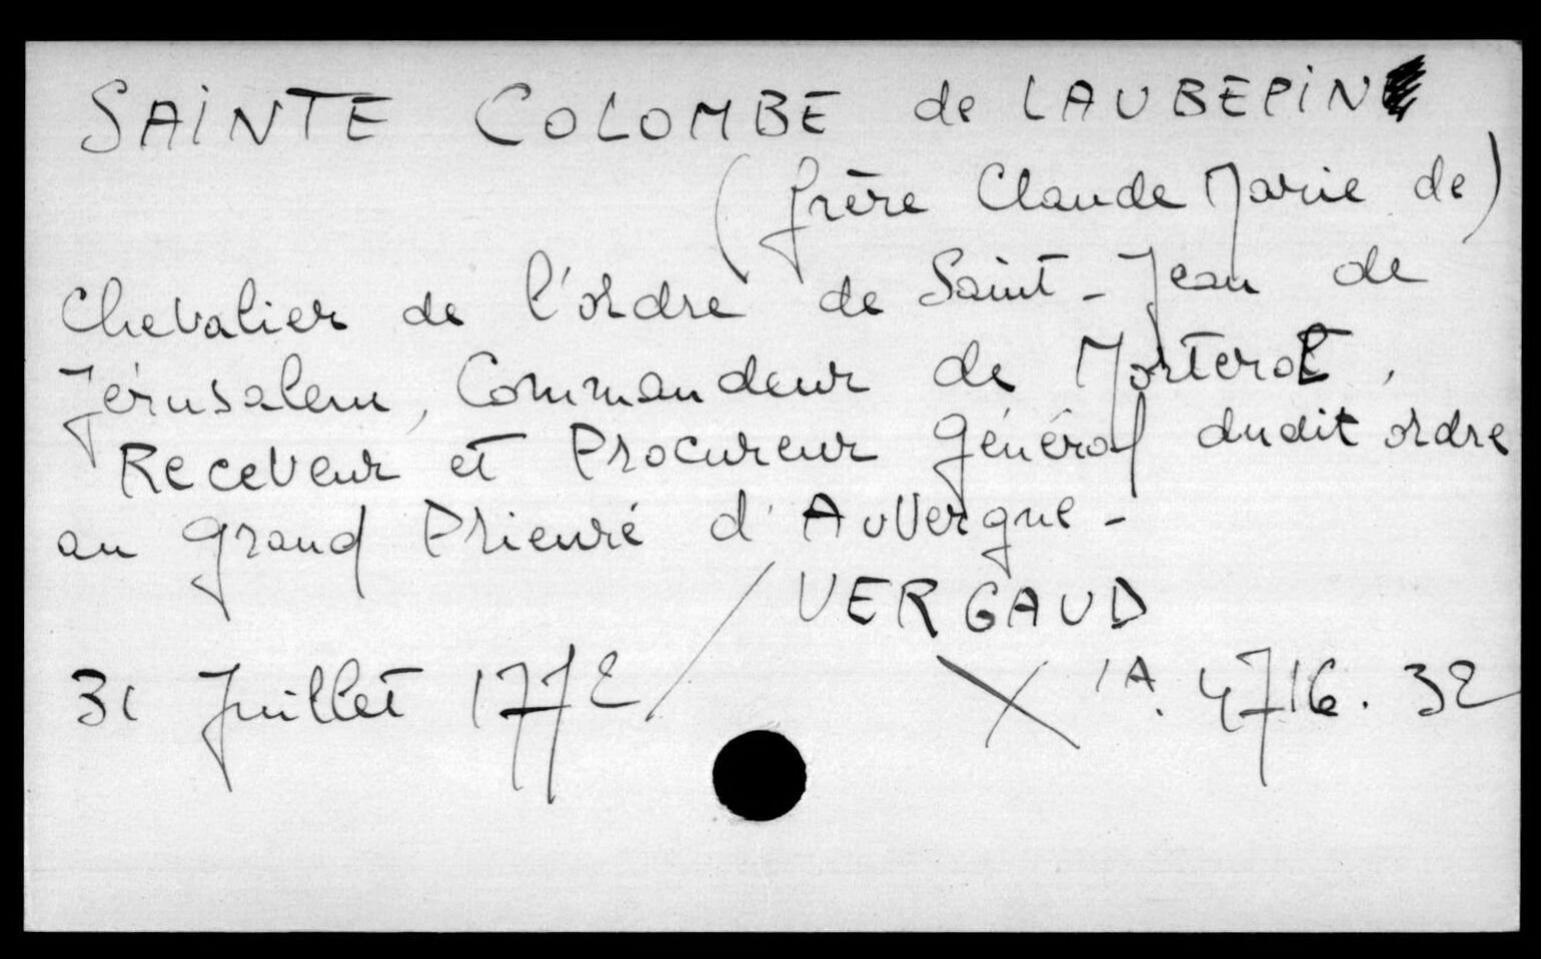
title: SAINTE COLOMBE de LAUBEPINE (frère Claude Marie de) Chevalier de l'ordre de Saint-Jean de Jérusalem, commandeur de Morterol Receveur et Procureur général dudit ordre au grand Prieuré d'Auvergne.
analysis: Contre VERGAUD
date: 31 juillet 1772
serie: X1A
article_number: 4716
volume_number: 32
